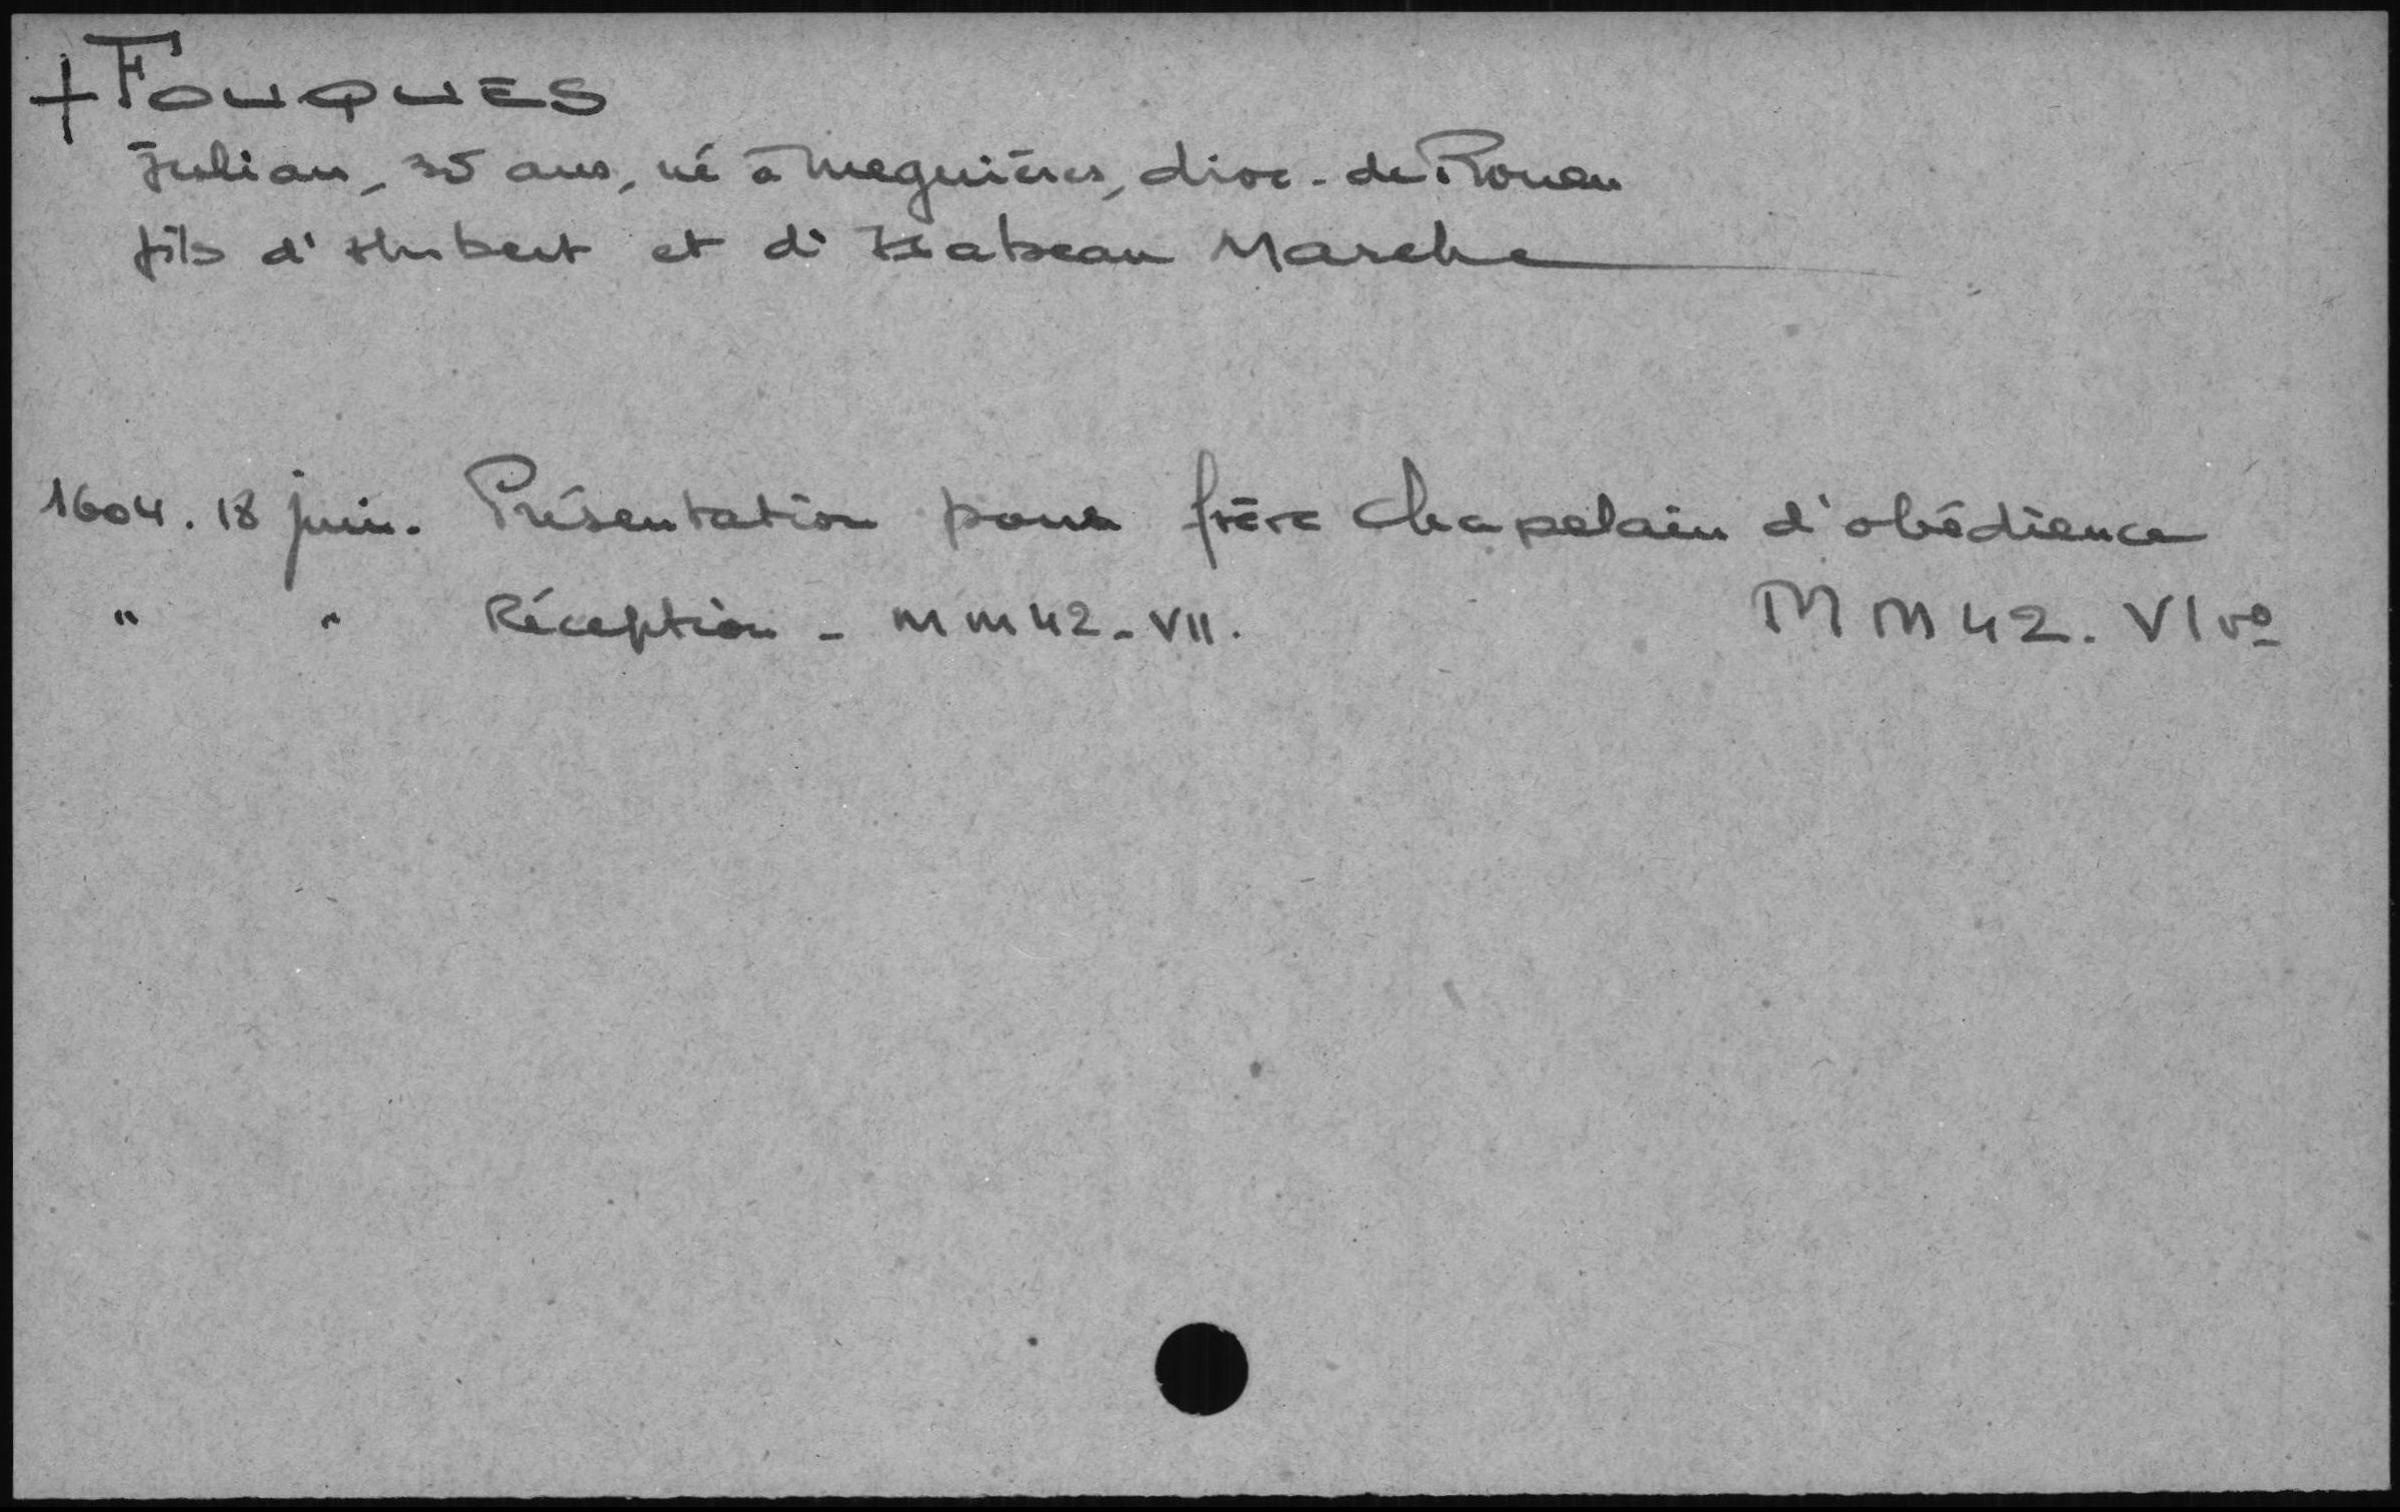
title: + FOUQUES Julian, 35 ans, né à Magnières, diocèse de Rouen fils d'hubert et d'Isabeau Marche
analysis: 1604, 18 juin. Présentation pour frère chapelain d'obédience. MM 42. VIv " " Réception. MM 42. VII
